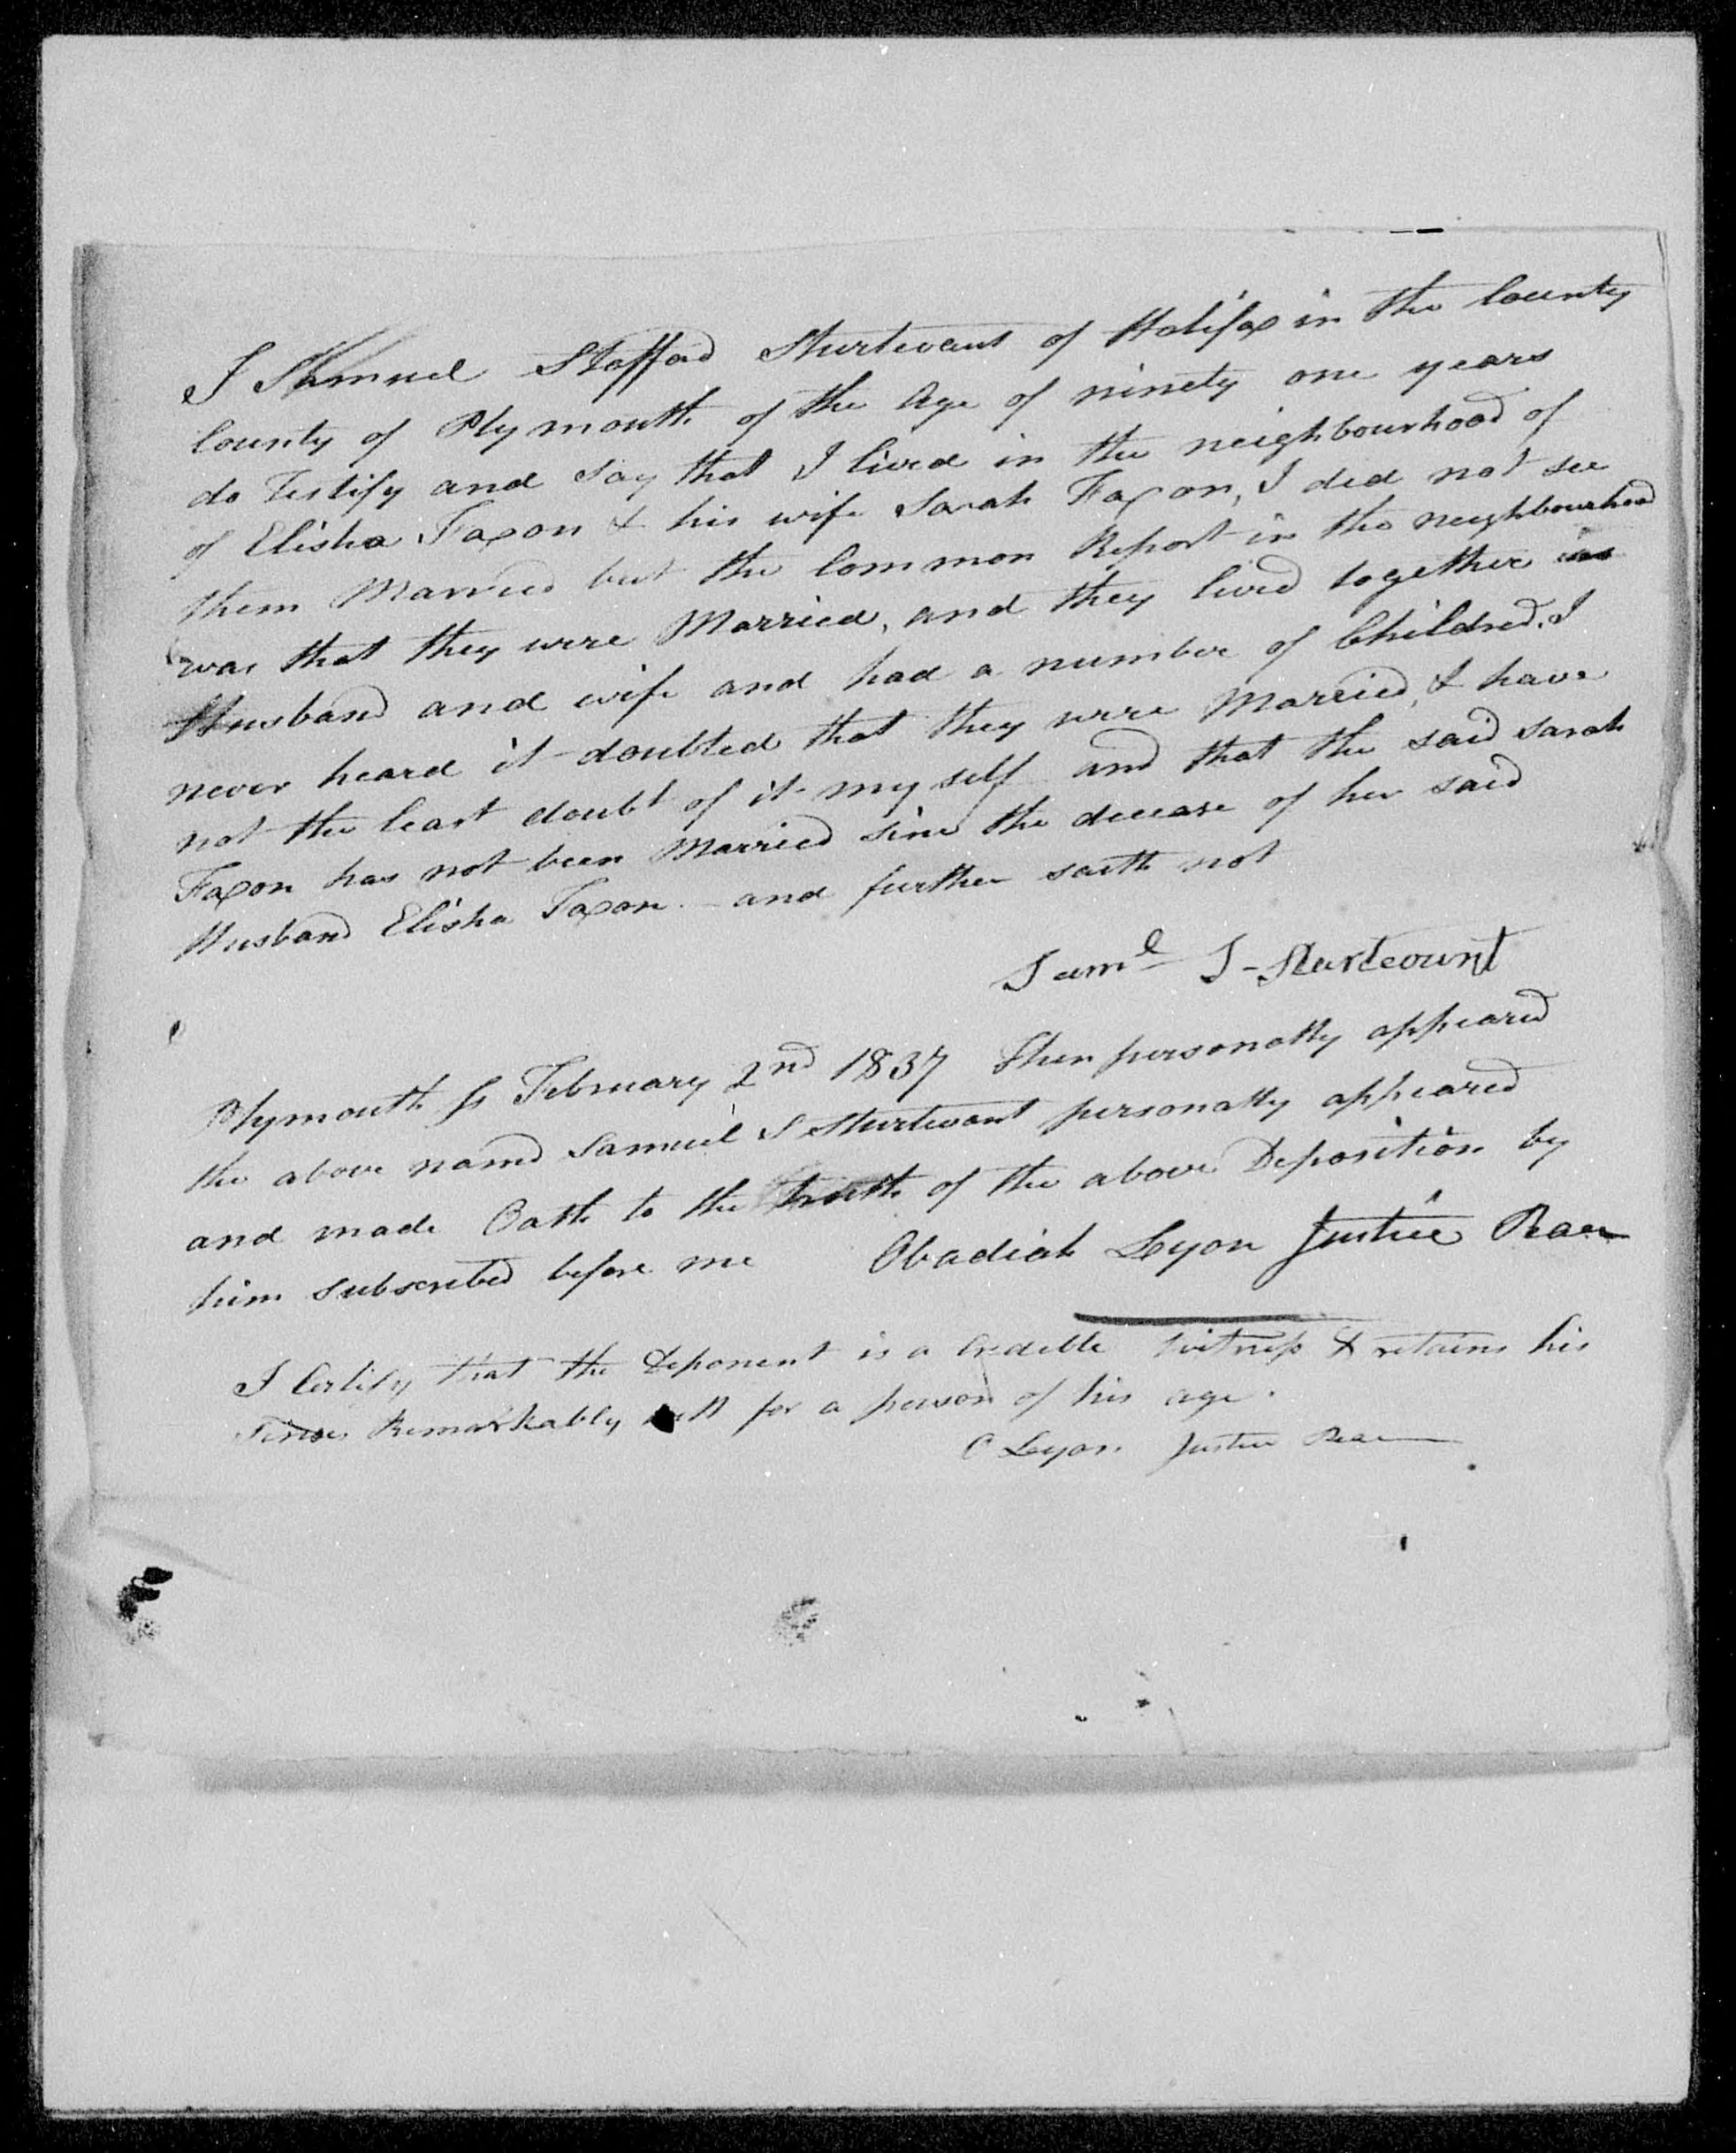I Samuel Stafford Sturtevant of Halifax in the County of Plymouth of the age of ninety one years do testify and say that I lived in the neighbourhood of Elisha Faxon and his wife Sarah Faxon. I did not see them married but the common report in the neighbourhood was that they were married and they lived together as husband and wife and had a number of children. I never heard it doubted that they were married I have not the least doubt of it myself and that the said Sarah Faxon has not been married since the decease of her said husband Elisha Faxon and further saith not
Samuel S. Sturtevant

Plymouth Mass February 2nd 1837 Then personally appeared the above named Samuel Sturtevant personally appeared and made oath to the truth of the above deposition by him subscribed before me
Obadiah Lyon Justice Peace
I certify that the deponent is a credible witness and retains his sense remarkably well for a person of his age.
O. Lyon Justice Peace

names: Samuel S Sturtevant, Samuel Stafford Sturtevant, Elisha Faxon, Saml S Sturtevant, Obadiah Lyon, Sarah Faxon, O Lyon, Sarah Faxon, Elisha Faxon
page: 37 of 47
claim: widow's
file: W. 14703, Elisha Faxon, Mass